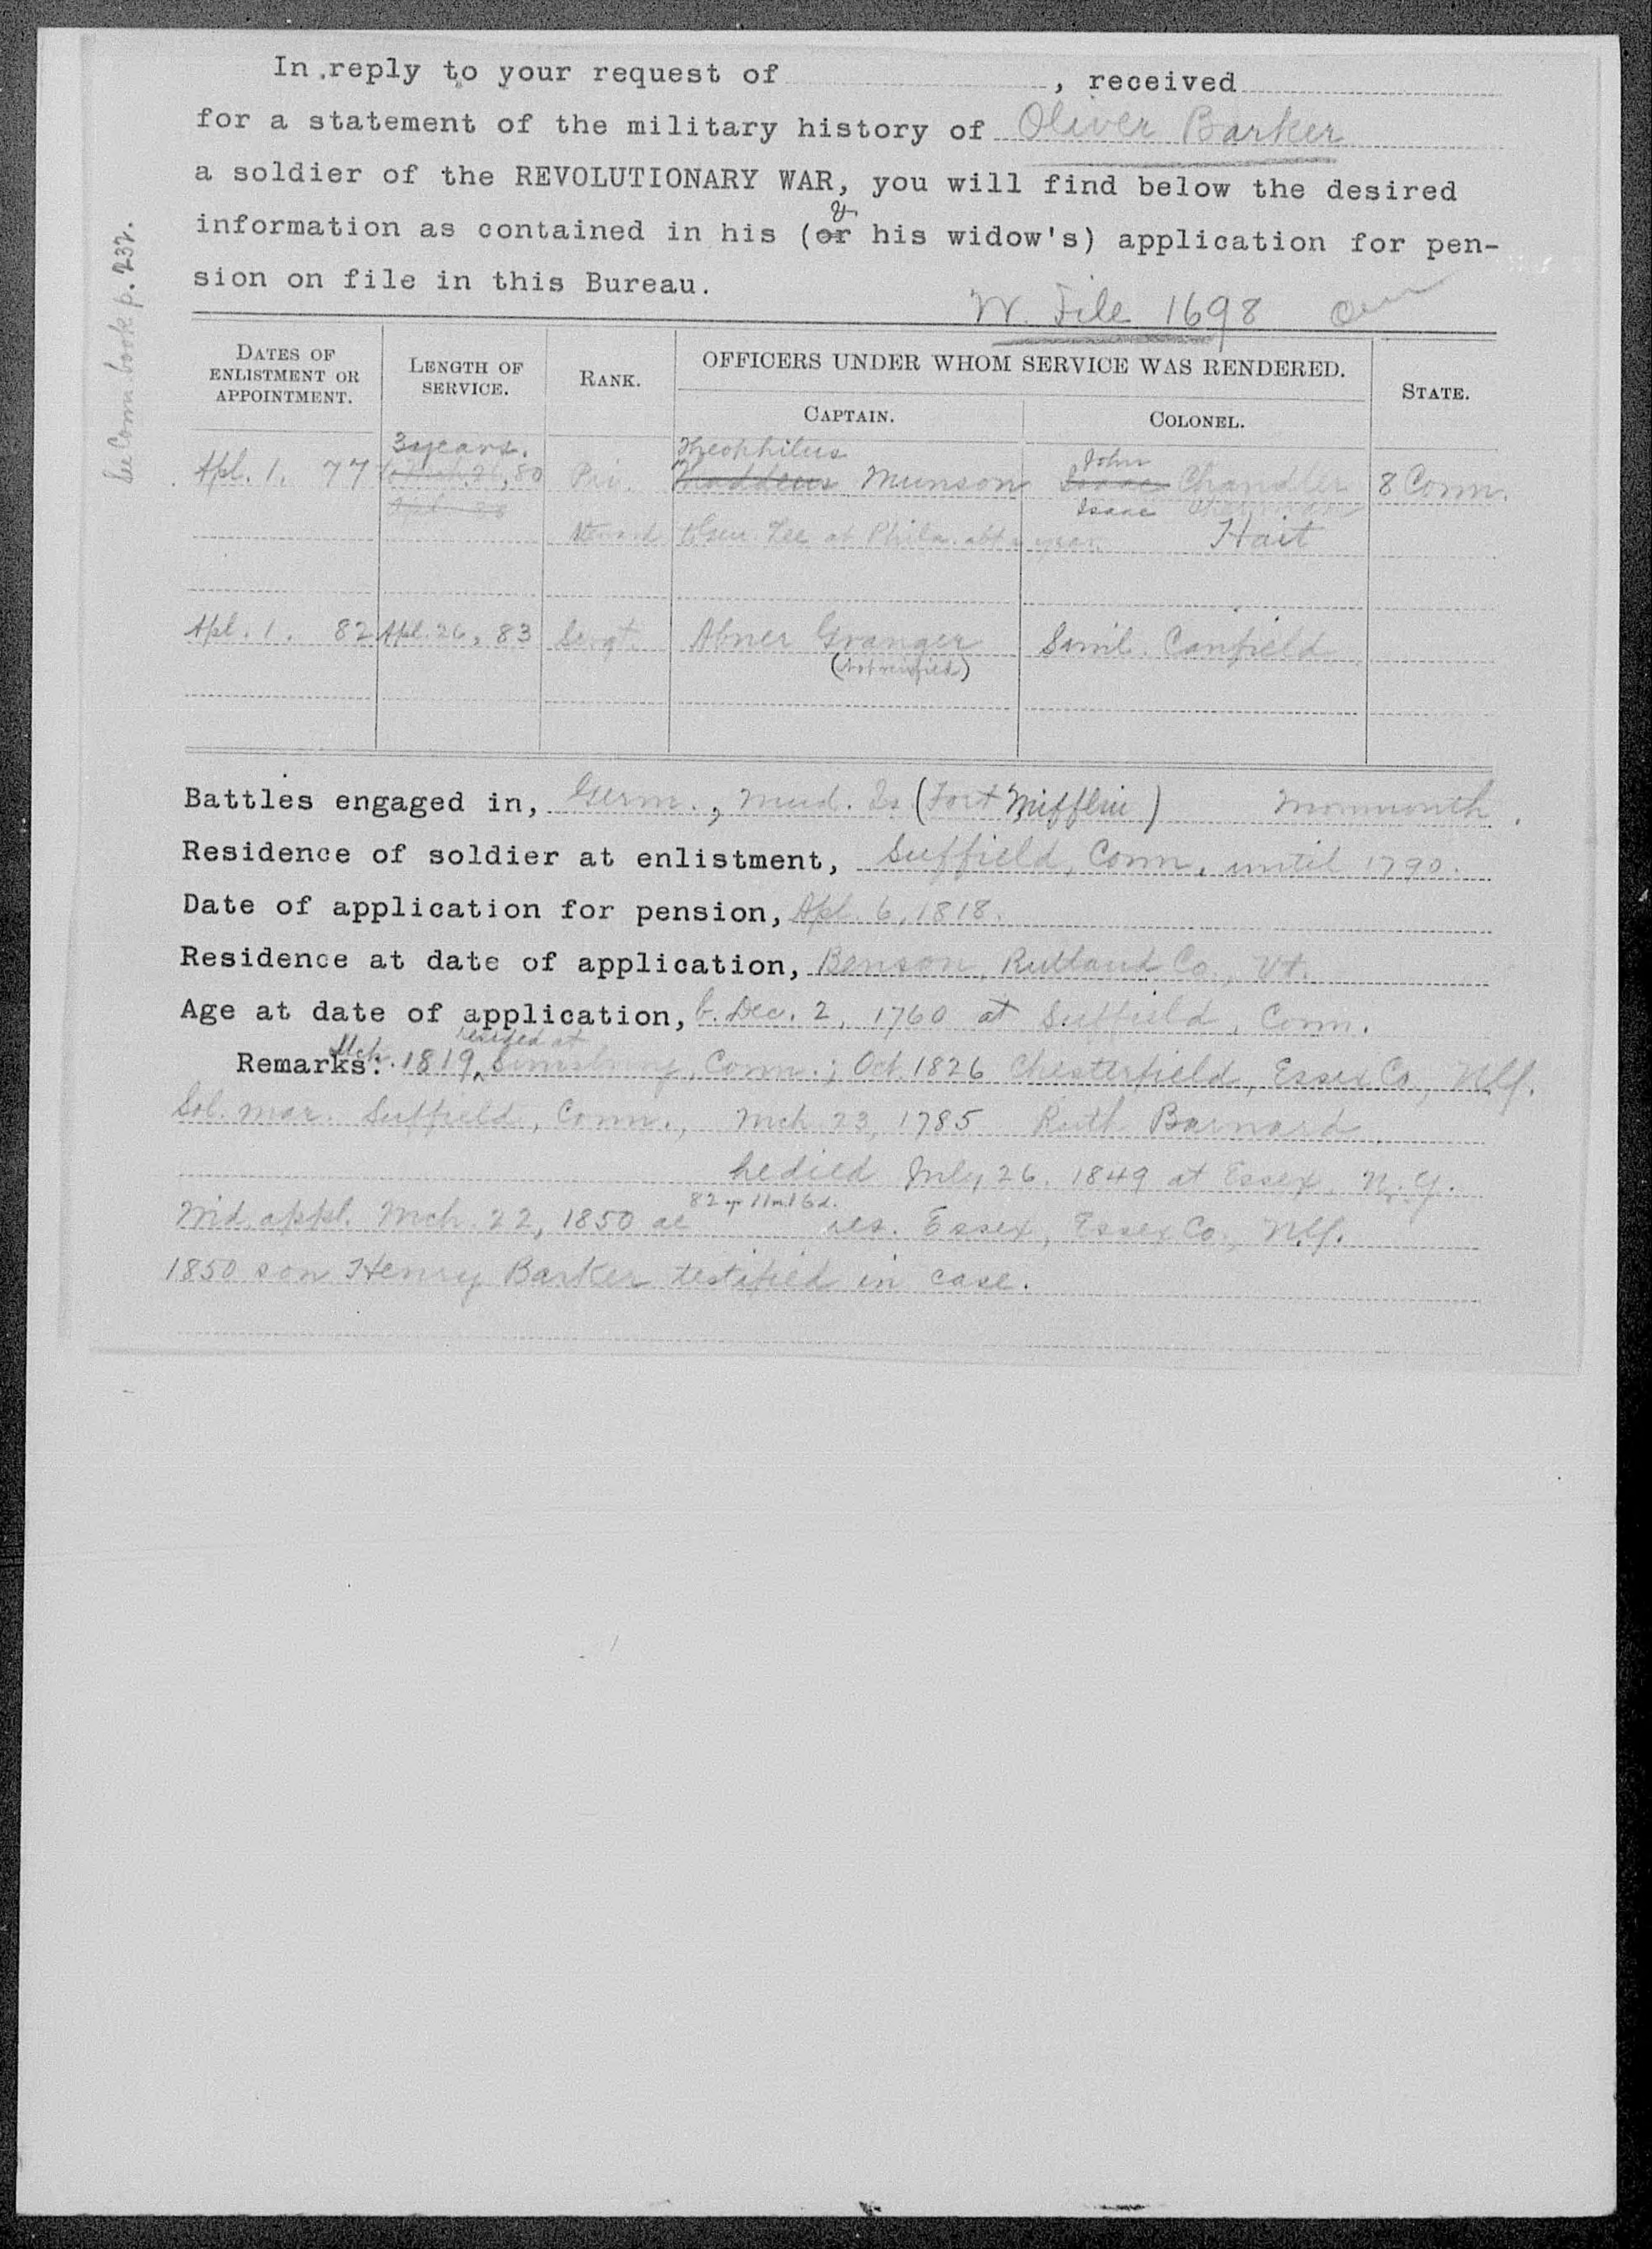See Conn book p 232.
In reply to your request of – received -  for a statement of the military history of Oliver Barker a soldier of the REVOLUTIONARY WAR, you will find below information as contained in his (& his widow's) application on file in this Bureau. 
W. File 1698 OWN   
DATES OF ENLISTMENT OR APPOINTMENT.  Apl 1 ’77   LENGTH OF SERVICE.  3 years   RANK.  Pri  Steward   OFFICERS UNDER WHOM SERVICE WAS RENDERED.  Captain Theophilas Munson  Colonel John Chandler   STATE.  8th Conn.
Steward to Genl. Lee at Phila. abt a year. 
DATES OF ENLISTMENT OR APPOINTMENT.  Apl 1 ’82   LENGTH OF SERVICE.  Apl 26 ‘83    RANK.  Sergt   OFFICERS UNDER WHOM SERVICE WAS RENDERED.  Captain Abner Granger (not verified)  Colonel Samuel Canfield    STATE. 
Battles engaged in, Germ [Germantown], Mud Is. (Fort Mifflin), Monmouth
Residence of soldier at enlistment, Suffield, Conn. until 1790 
Date of application for pension, Apl  6 1818 
Residence at date of application, Benson Rutland Co. Vt. 
Age at date of application, b. [born] Dec. 2, 1760 at Suffield, Conn 
Remark Mch 1819 resided at Simsbury, Conn.; Oct 1826 Chesterfield, Essex Co. NY; 
Sol [soldier] mar. [married] Suffield, Conn, Mch 23, 1785 Ruth Barnard 
He died July 26. 1849 at Essex N. Y. 
Wid [Widow] appl [applied]  Mch. 22, 1850  at 82 yrs 11 mth 6 day Essex, Essex Co. N.Y. 1850 son Henry Barker testified in case.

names: John Chandler, Oliver Barker, Abner Granger, Saml Canfield, Isaac Hoit, Theophilus Munson, Henry Barker, Ruth Barnard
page: 20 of 51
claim: widow's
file: W. 1698, Oliver Barker, Conn.